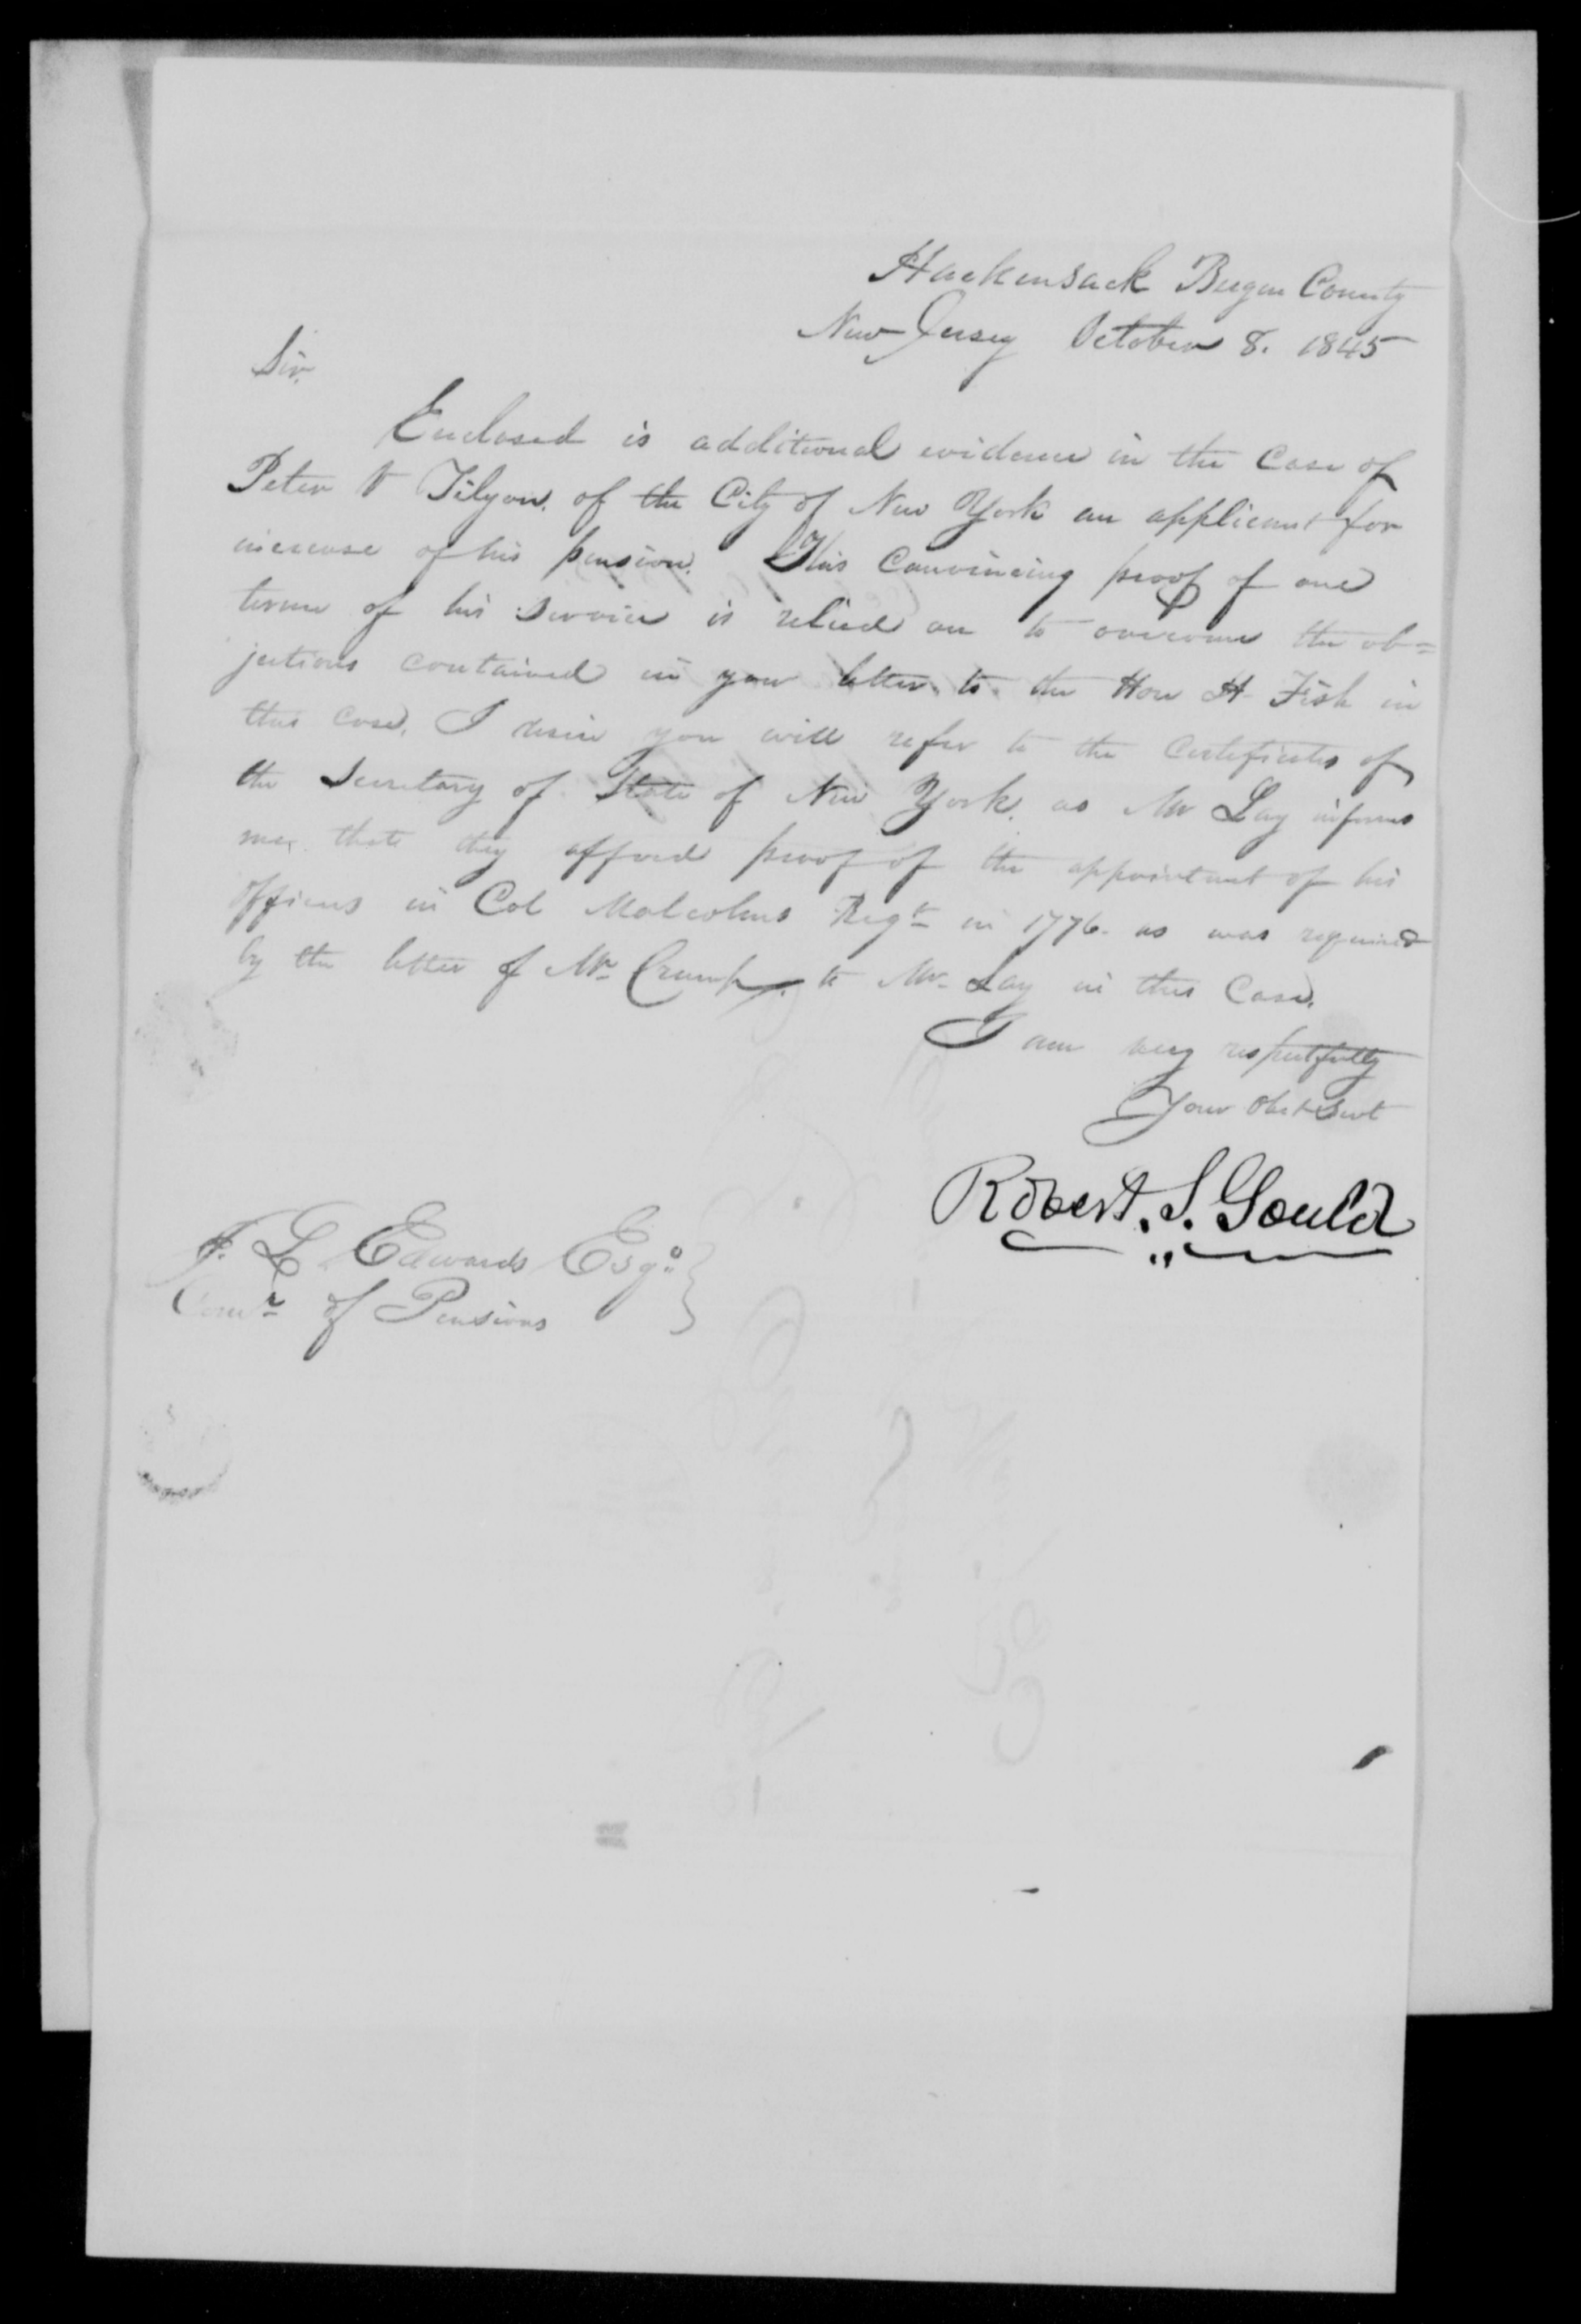Hackensack Bergen County
New Jersey  October 8. 1845

Sir,

Enclosed is additional evidence in the case of Peter V. Tilyou of the City of New York an applicant for increase of his pension. This convincing proof of one term of his service is relied on to overcome the objections contained in your letter to the Hon. H Fish in this case. I desire you will refer to the Certificate of the Secretary of State of New York as Mr. Lay informs me that they afford proof of the appointment of his officers in Col. Malcolms Regt in 1776 as was required by the letter of Mr. Crump to Mr. Lay in this case.

I am very respectfully
Your obt sevt
Robert S. Gould 

J L Edwards Esqr
Commr of Pensions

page: 72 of 101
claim: widow's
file: W. 25481, for Peter V Tilyou, New Jersey